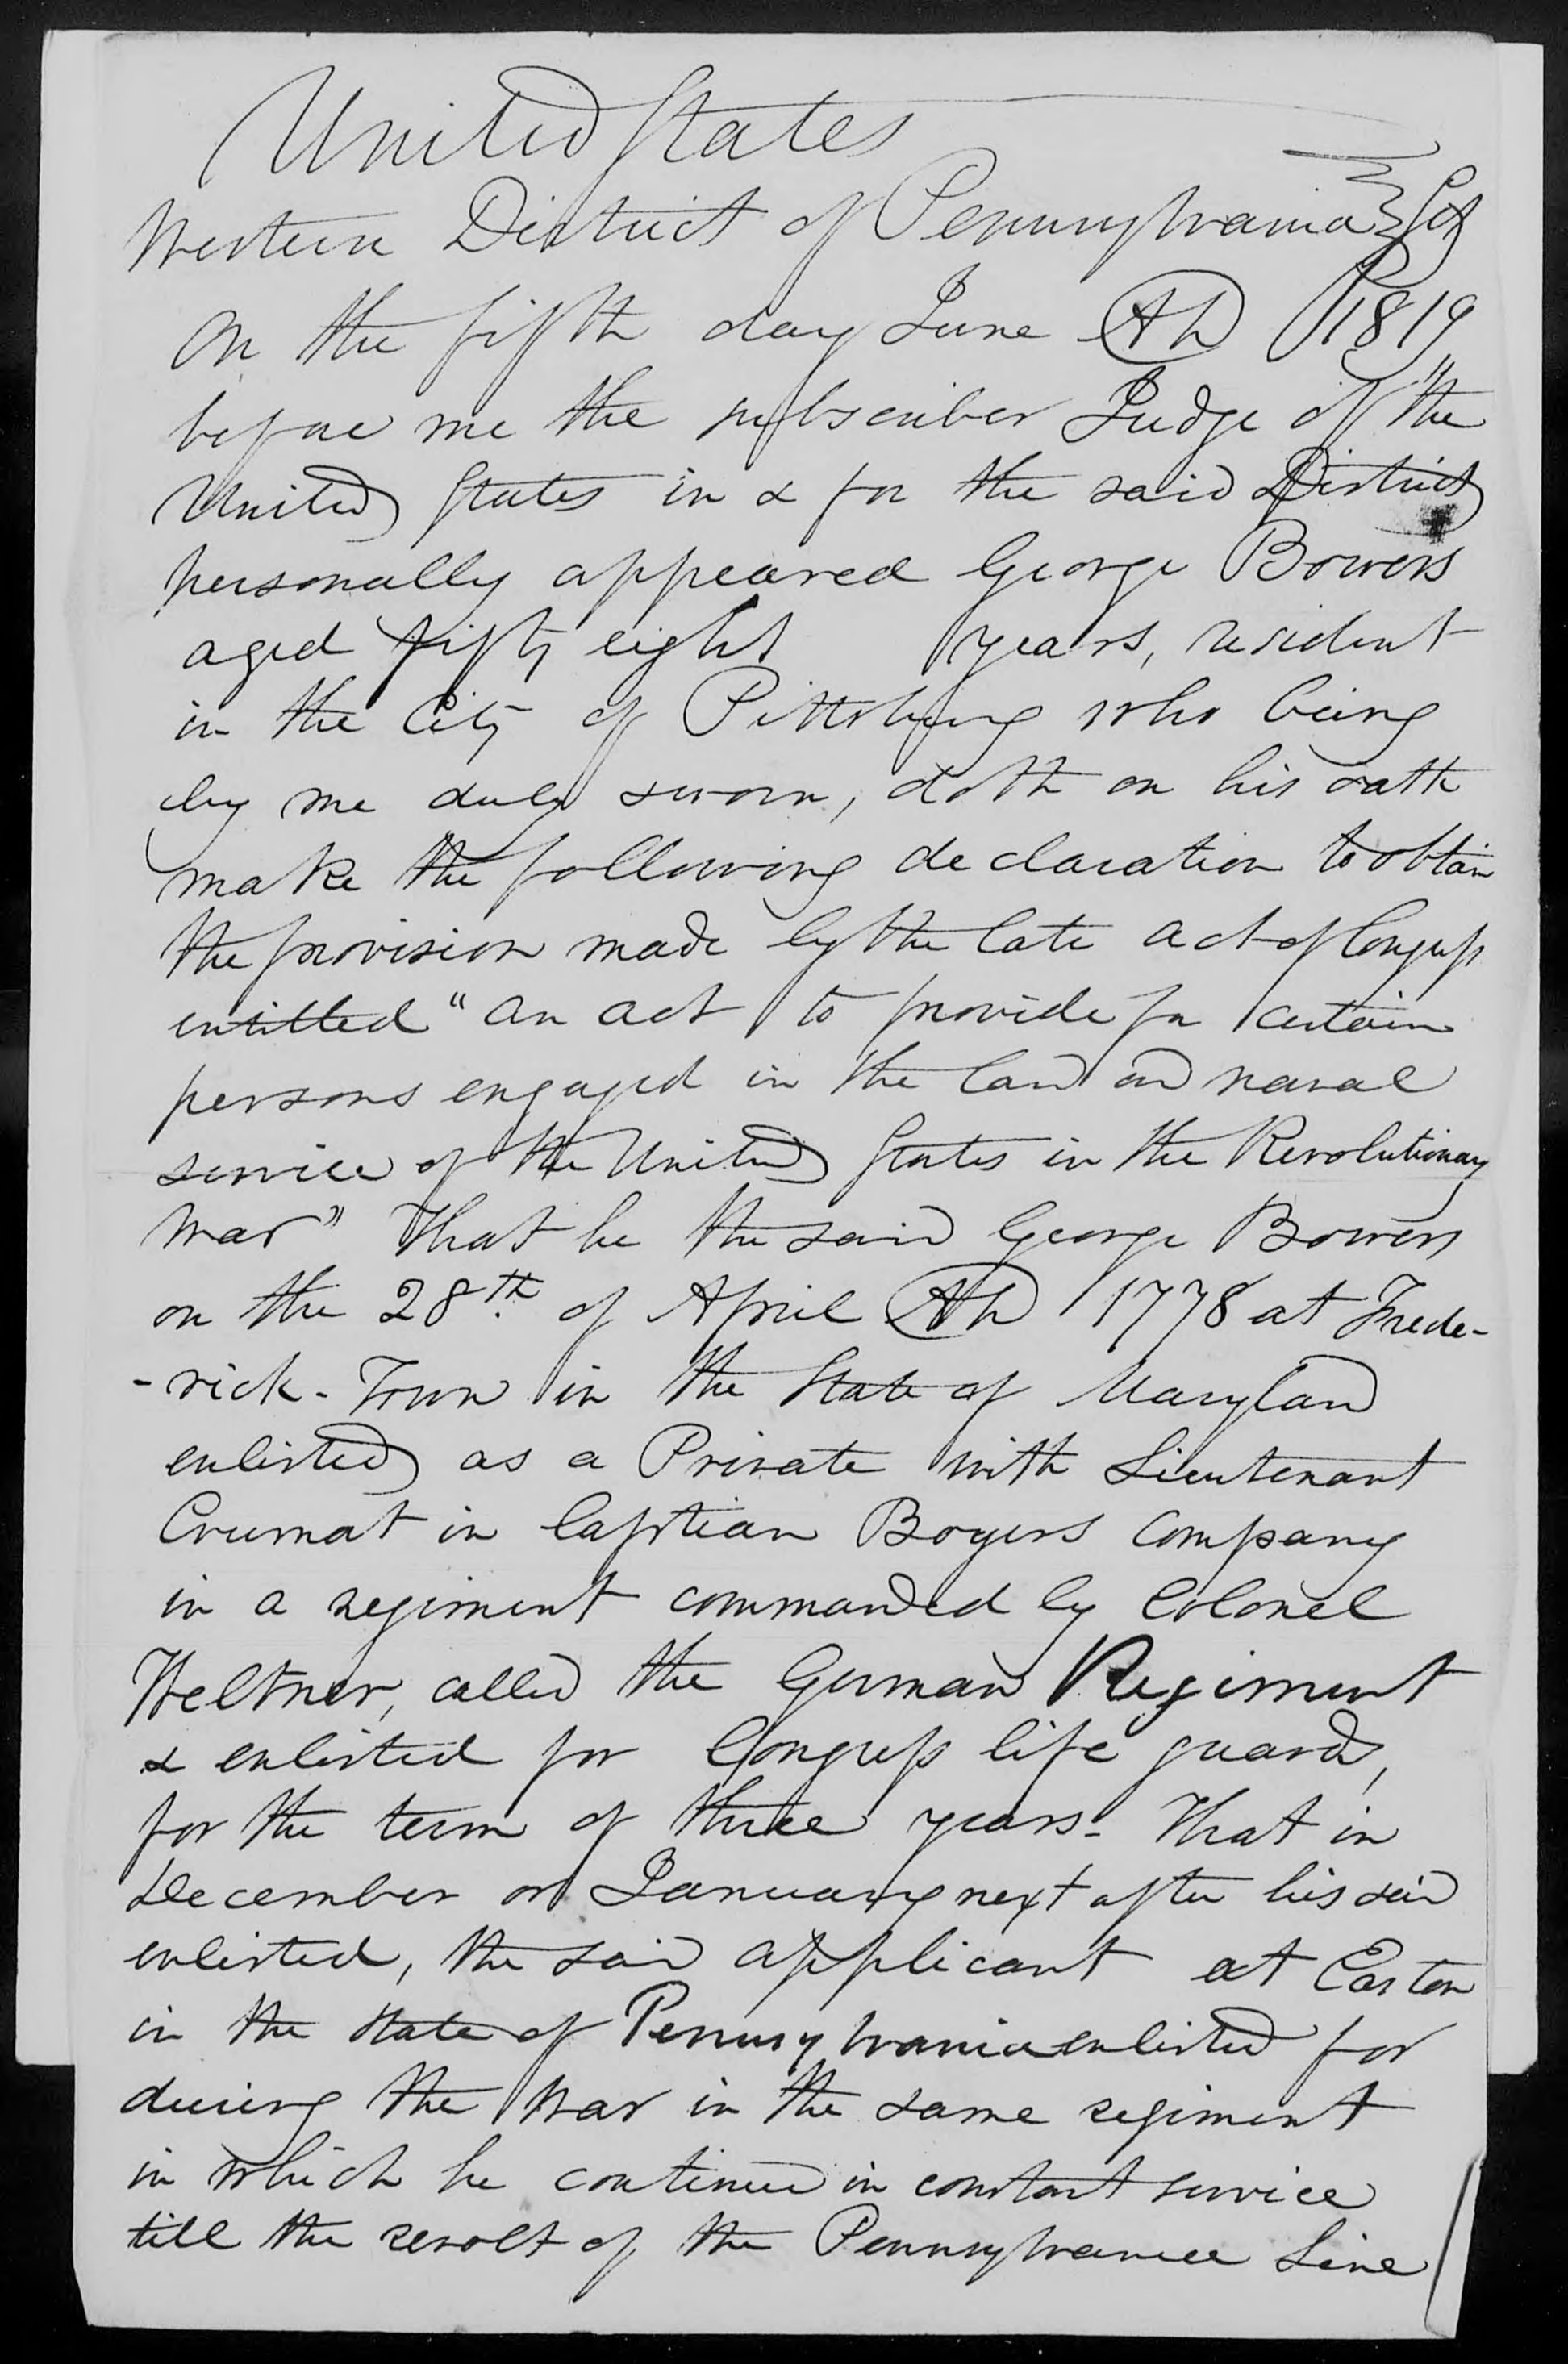[handwritten]
United States
Western District of Pennsylvania

On the fifth day June AD 1819 before me the subscriber Judge of the United States in & for said District personally appeared George Bowers aged fifty eight years, resident in the City of Pittsburg who being by me duly sworn, doth on his oath make the following declaration to obtain the provision made by the late Act of Congress entitled “An Act to provide for certain persons engaged in the land or naval service of the United States in the Revolutionary War”  That he the said George Bowers on the 28th of April AD 1778 at Frederick-Town in the State of Maryland enlisted as a Private with Lieutenant Crumat in Captain Bogess Company in a regiment commanded by Colonel Weltner, called the German Regiment & enlisted for Congress life guard for the term of three years. That in December or January next after his said enlistment, the said applicant at Easton in the State of Pennsylvania enlisted for during the War in the same regiment in which he continued in constant service till the Resolt of the Pennsylvania Line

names: George Bowers, George Bowers, Weltner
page: 4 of 19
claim: survivor's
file: S. 40,018, George Bowers, Md